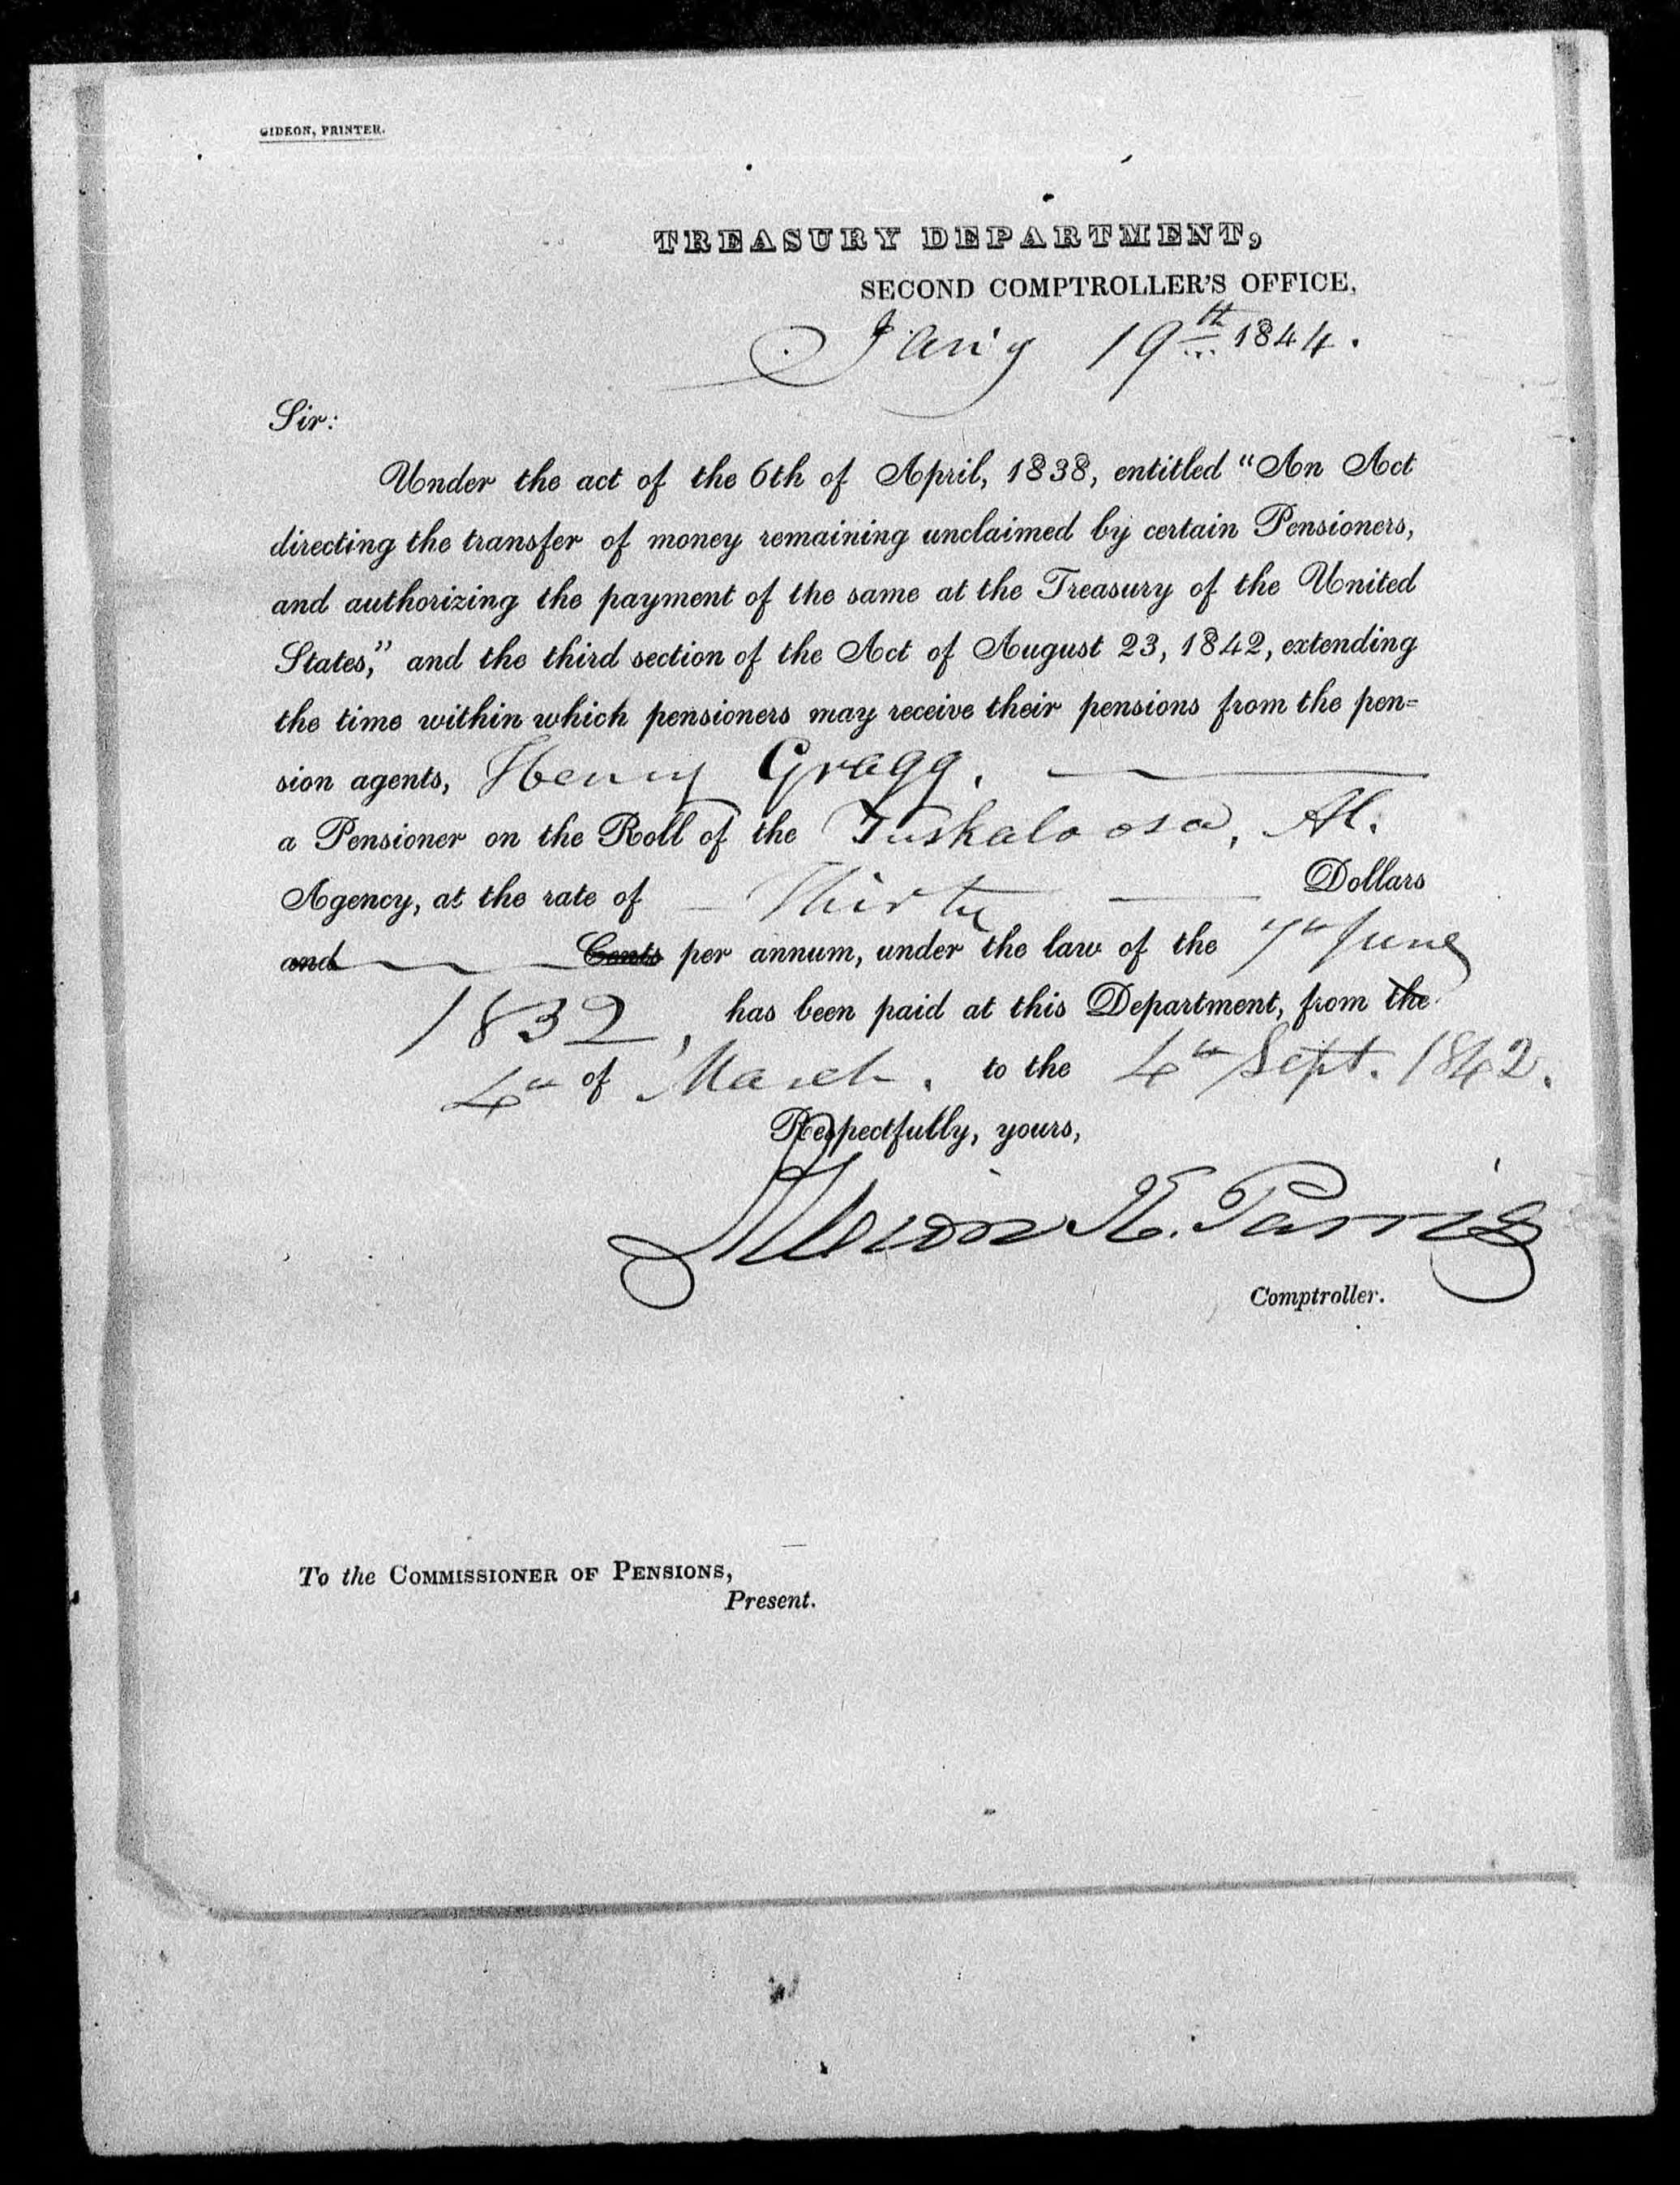TREASURY DEPARTMENT 
Second Comptroller's Office,
Jan'y 19th, 1844.

Sir: 

Under the act of the 6th of April, 1838, entitled "An act 
directing the transfer of money remaining unclaimed by certain Pensioners, 
and authorizing the payment of the same at the Treasury of the United 
States,"  and the third section of the Act of August 23, 1842, extending 
 the time within which pensioner may receive their pensions  from the 
pension agents, Henry Gragg a Pensioner on the Roll of Tuskaloosa, Ala Agency, at
the rate of Thirty Dollars per annum, under the law of the 7th June 1832 has
been paid at this Department, from the 4th of March, 
to the  4th Sept.  1842.


Respectfully yours,
Albion K. Parris (signature)
Comptroller. 


To the Commissioner of Pensions,
Present.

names: Henry Gragg, Albion K Parris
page: 18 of 18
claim: survivor's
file: S. 10,773, Henry Gragg, S.C.